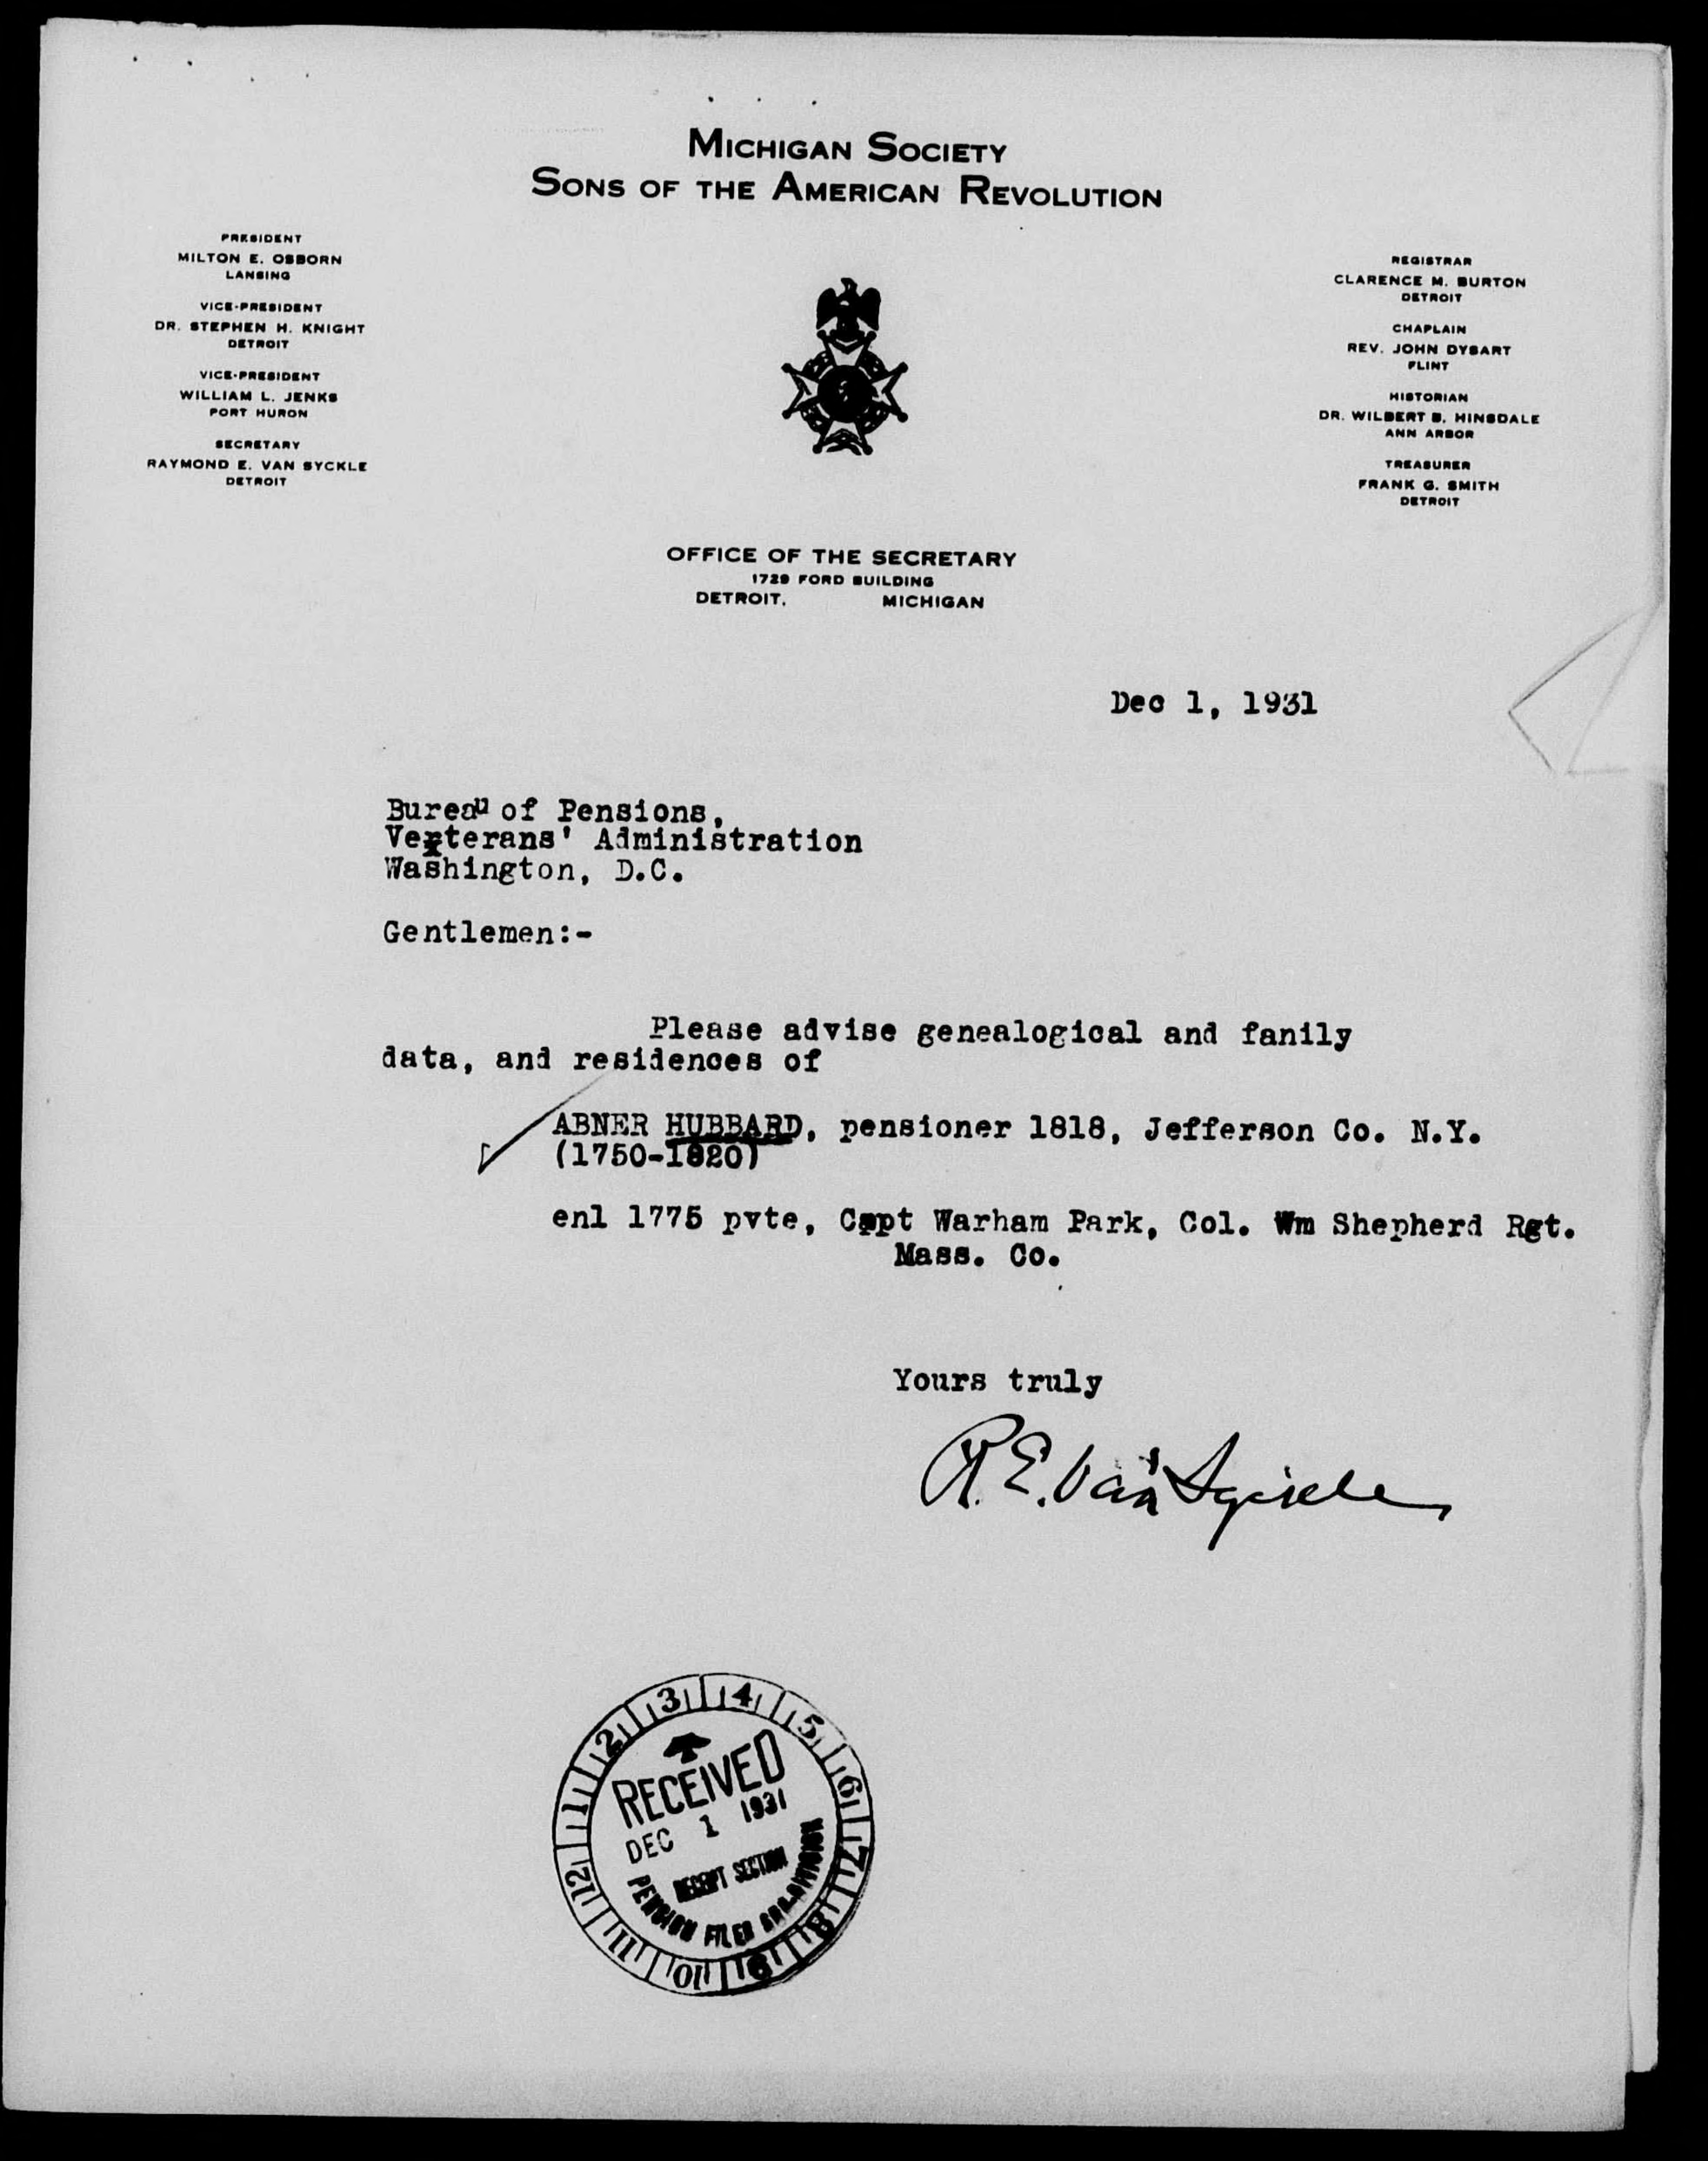Office of the Secretary
1729 Ford Building
Detroit, Michigan
Dec 1, 1931
Bureau of Pensions, 
Veterens' Administration
Washington, D.C.

Gentlemen:-
Please advise geneological an fanily data, and residences of 
Abner Hubbard, pensioner 1818, Jefferson Co. N.Y. (1750-1820)
enl 1770 pvte, Capt Warham Park, Col. Wm Shepherd rgt. Mass. Co.
Yours truly,
R.E. [illegible]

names: Frank G Smith, Raymond E Van Syckle, William L Jenks, Abner Hubbard, Stephen H Knight, Milton E Osborn, Wilbert B Hinsdale, Warham Park, Clarence M Burton, John Dysart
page: 22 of 38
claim: widow's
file: W. 23,381, Abner Hubbard, Continental Mass.